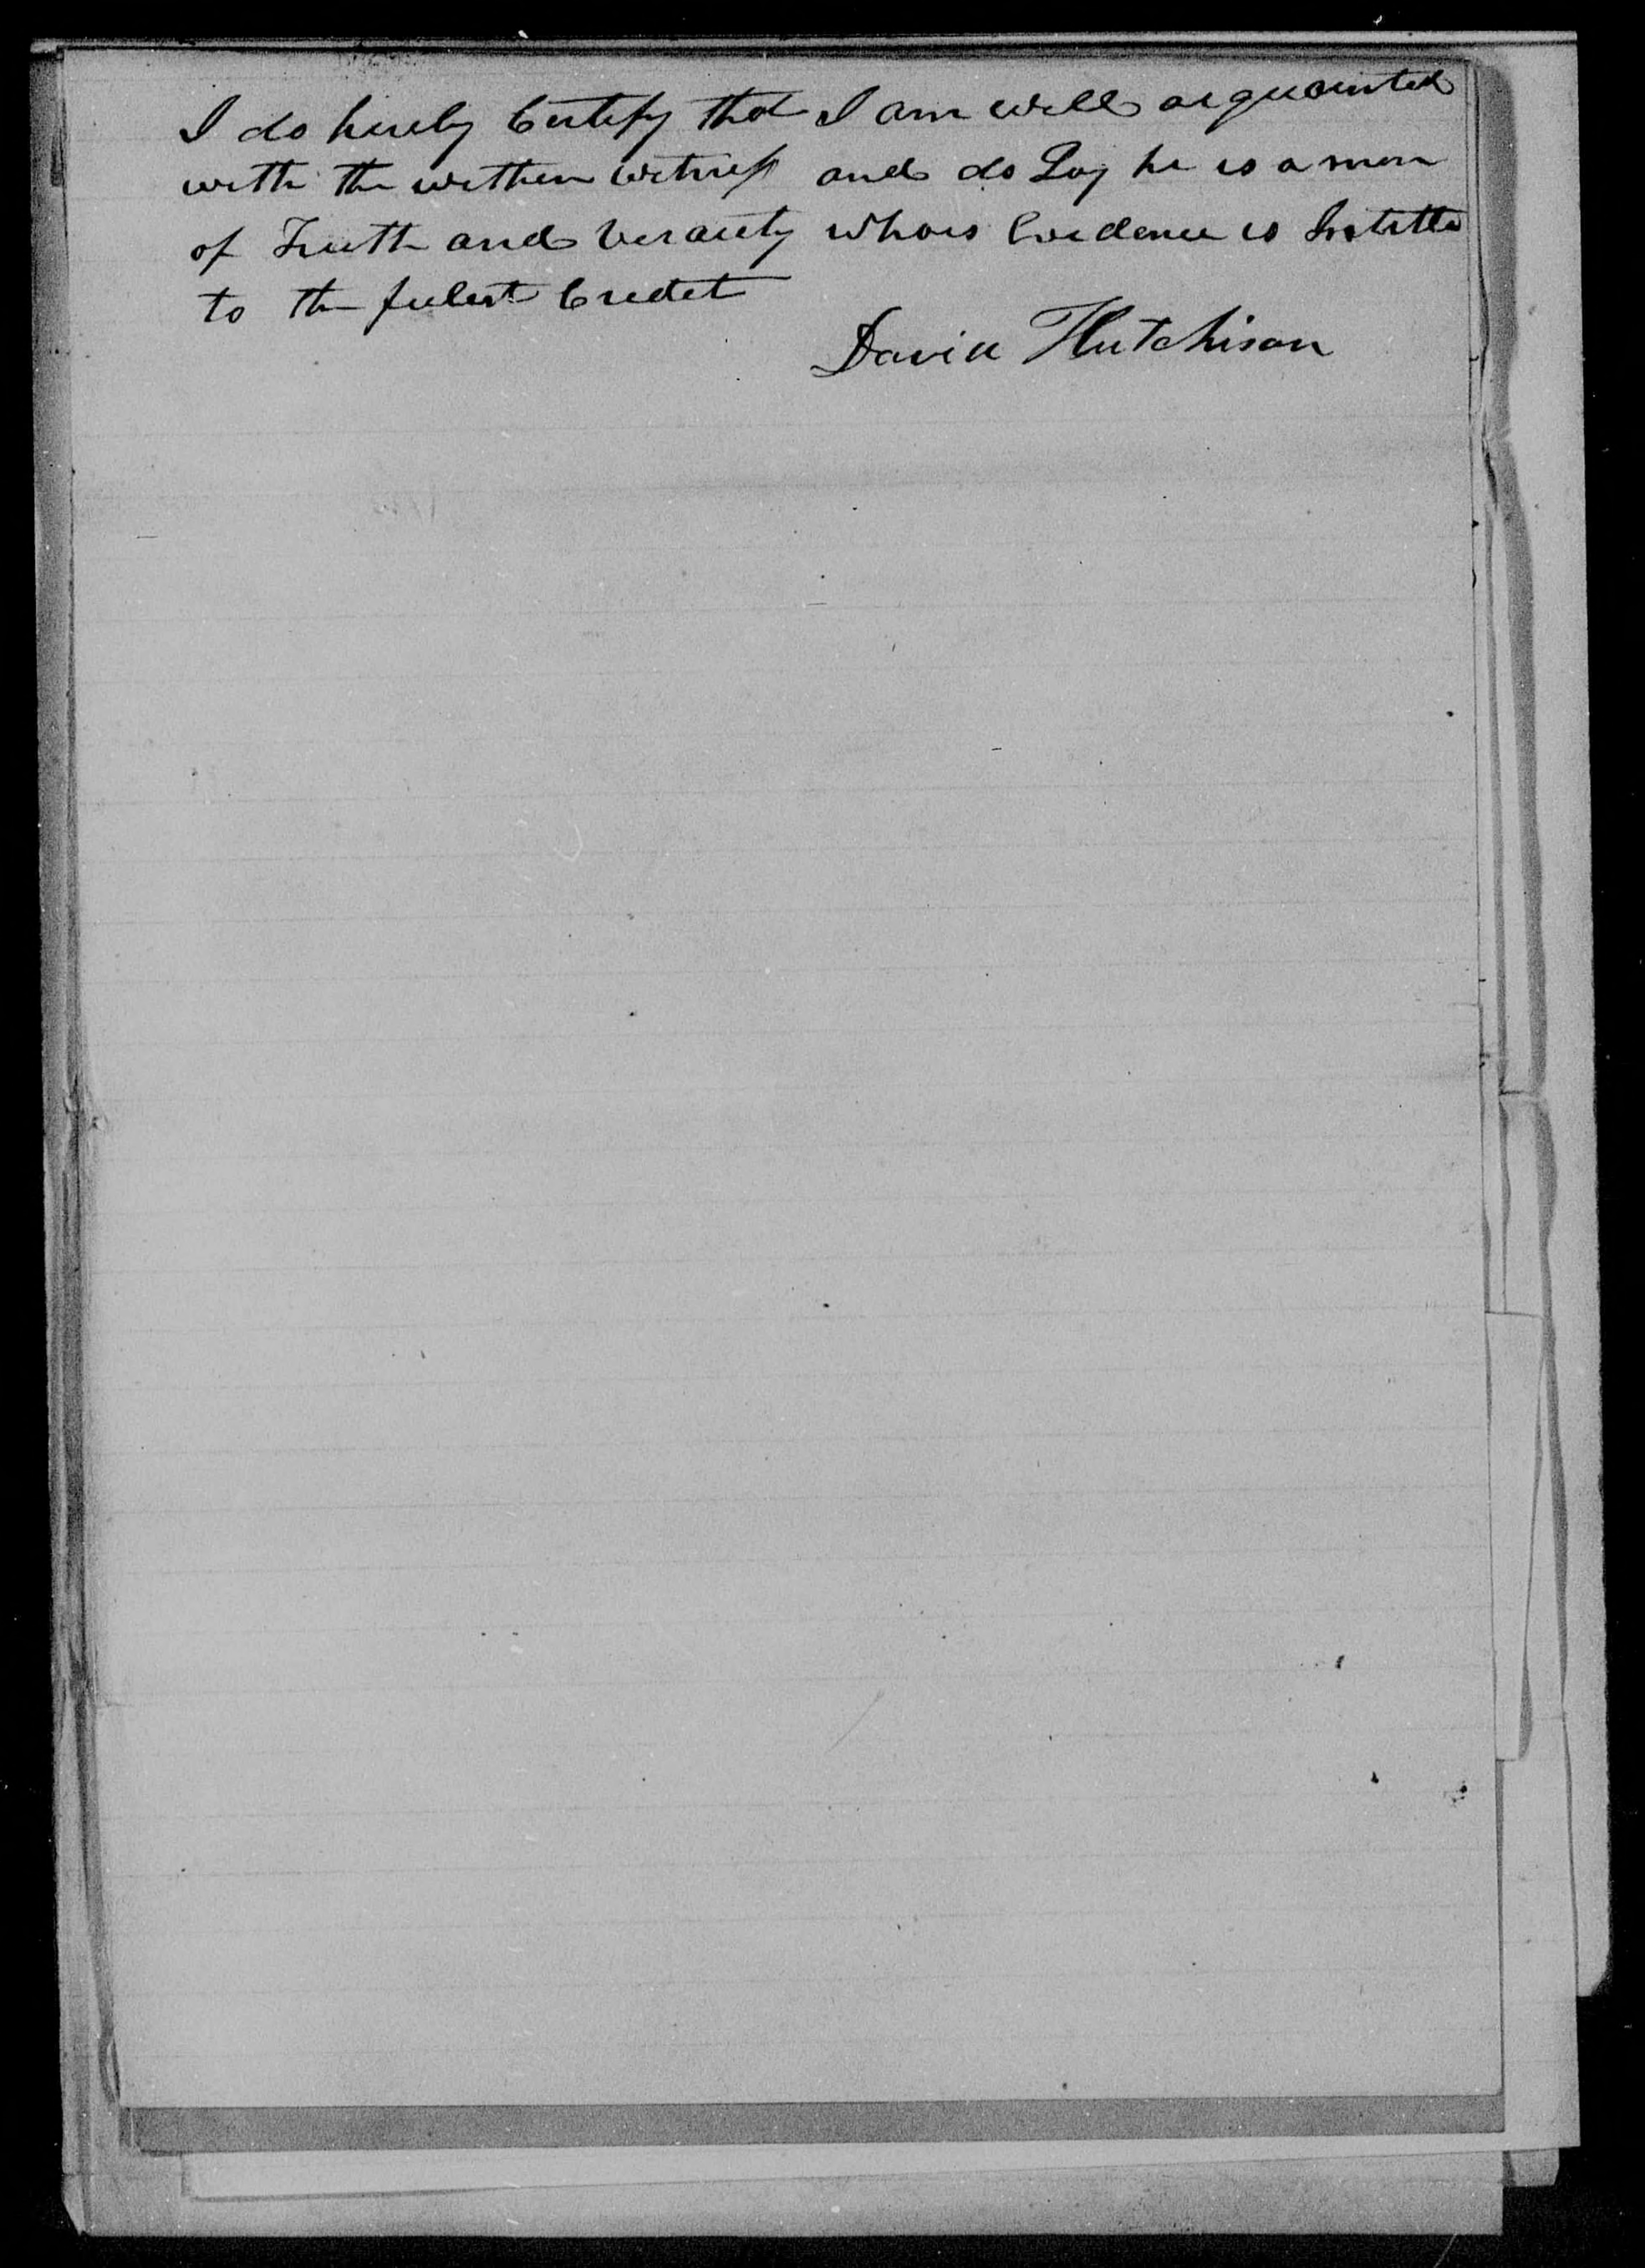I do hereby certify that I am well acquainted with
the [written] [witness] and do say he is a man
of truth and veracity whose evidence is intitled
to the fulest credit
David Hutchison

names: David Hutchison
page: 19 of 92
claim: widow's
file: W 1173, Robert Hamill, Penn.